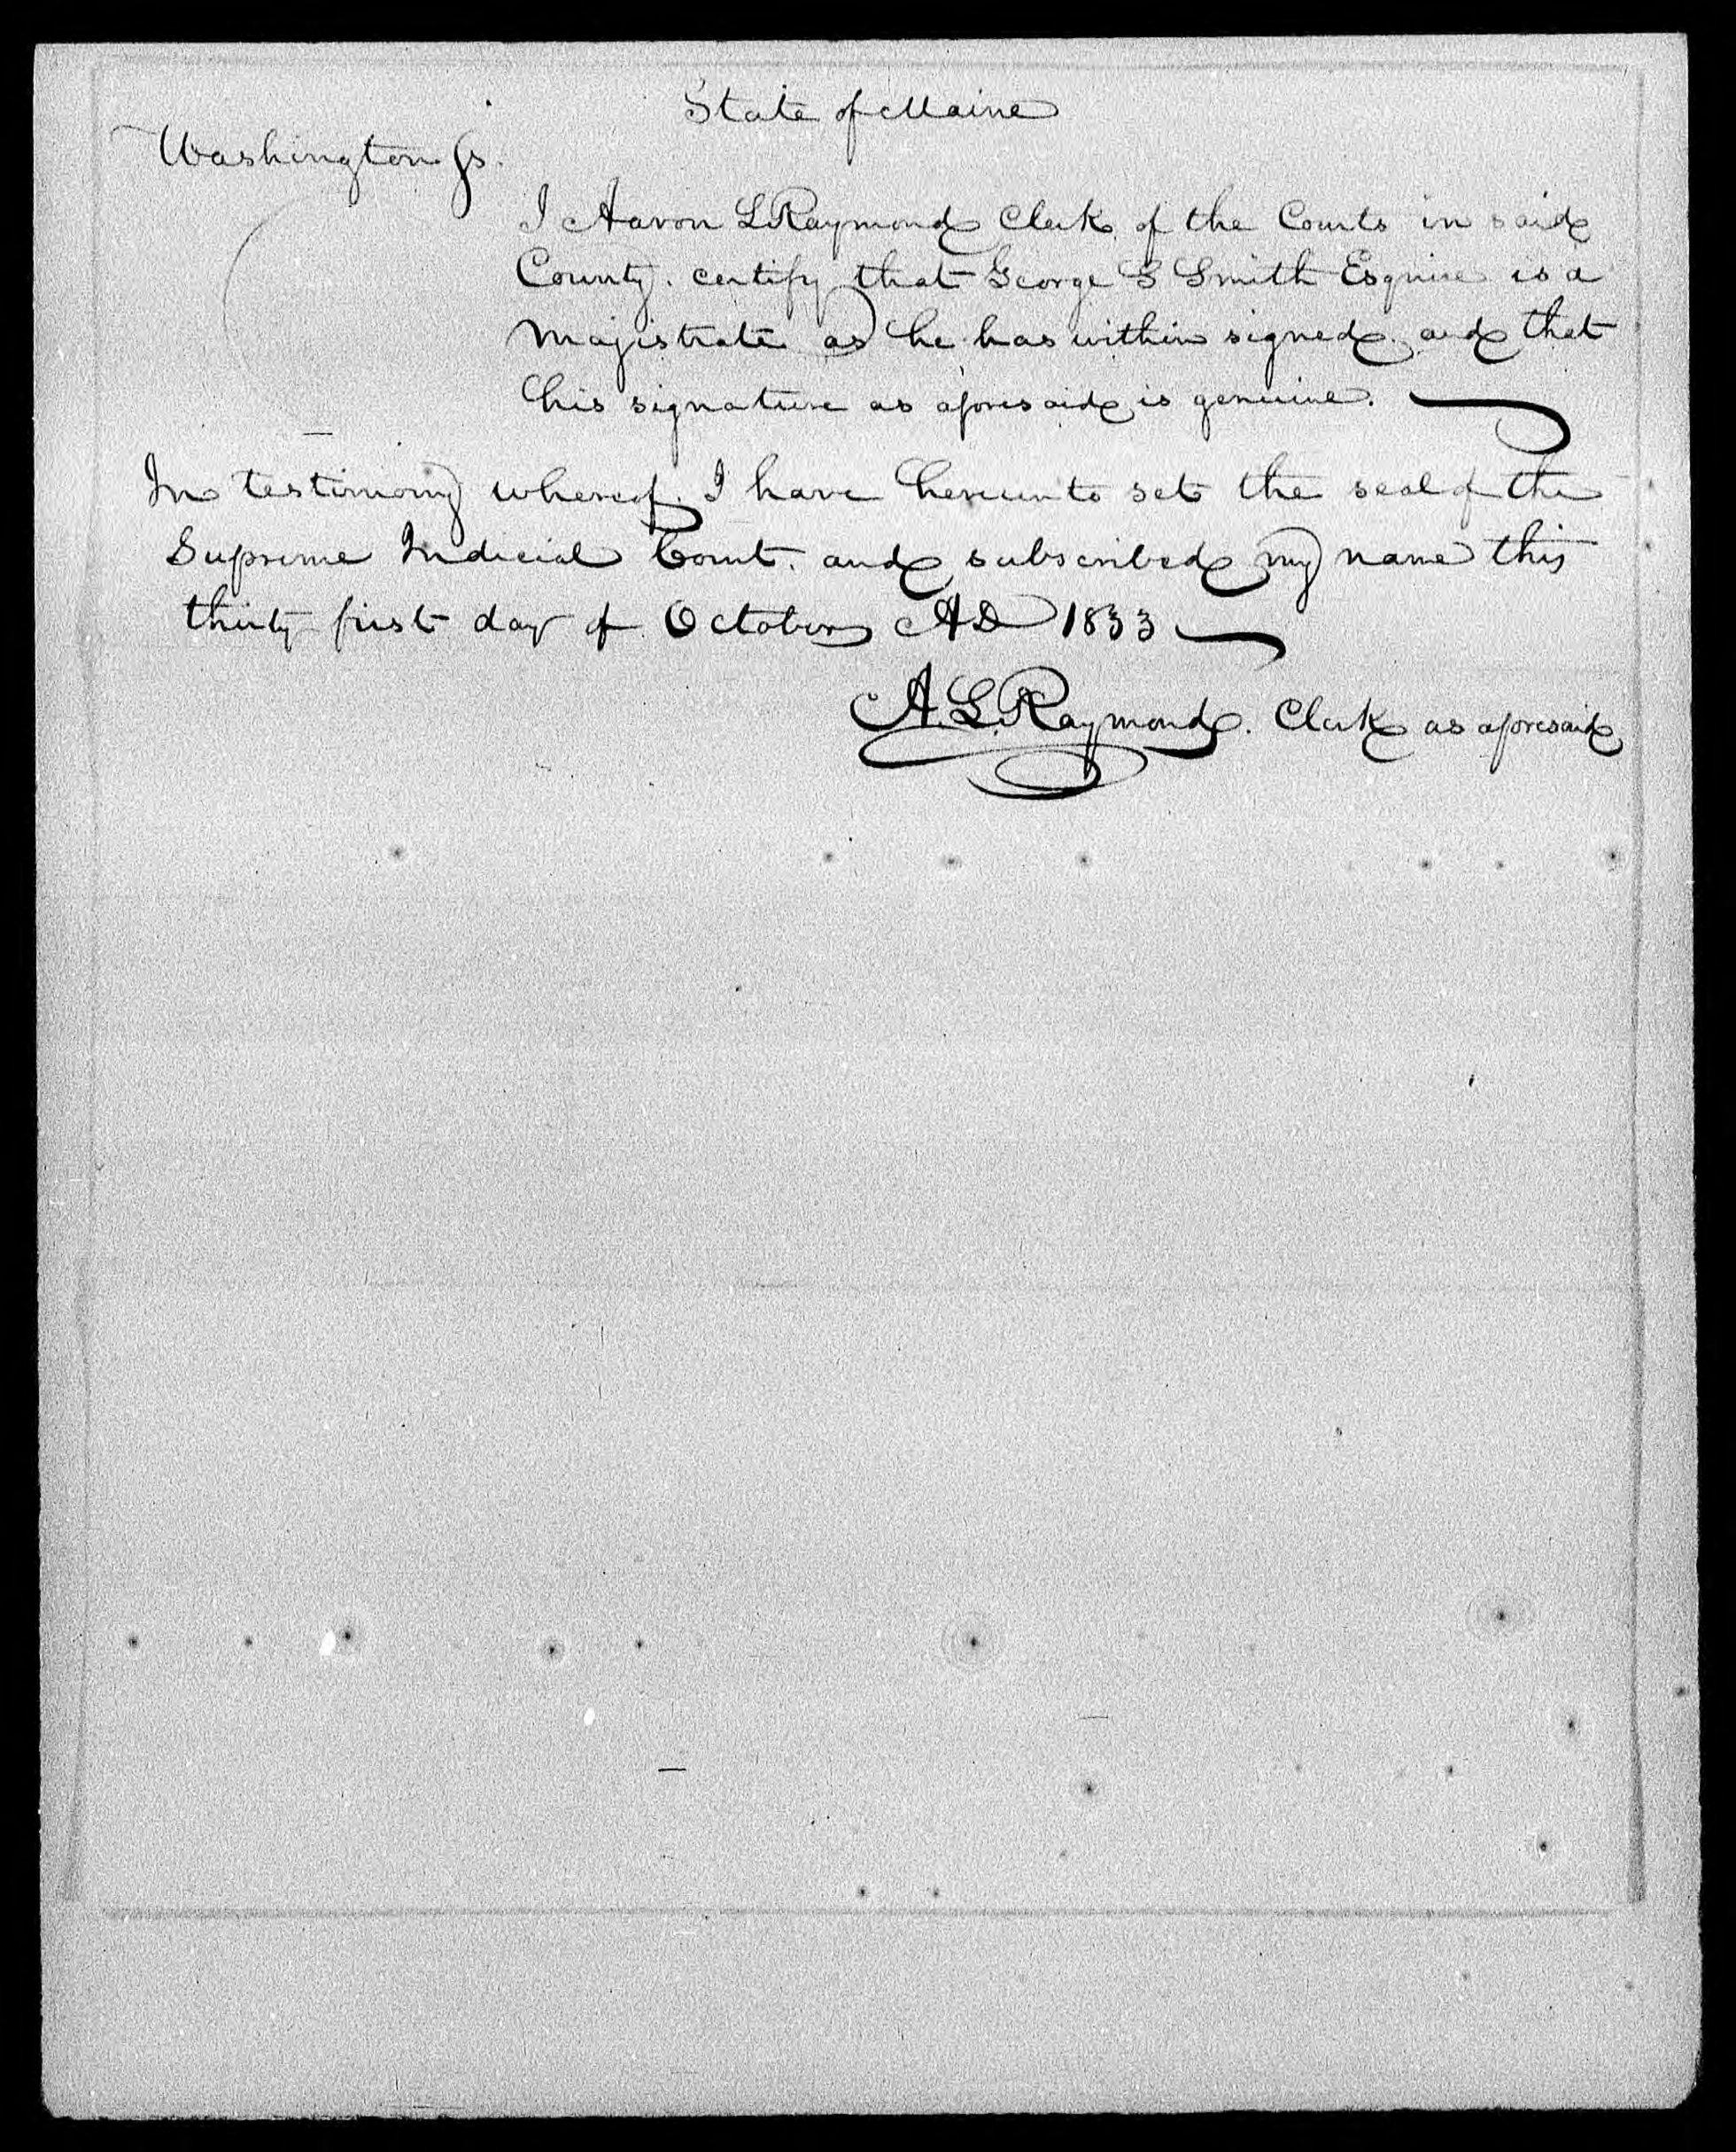State of Maine
Washington [illegible]
I Aaron L Raymond, Clerk of the Courts in said County, certify that George S Smith Esquire is a Magistrate as he has within signed, and, that his signature as aforesaid, is genuine.

In testimony whereof, I have herein to set the seal of this Supreme Judicial Court and, subscribed, my name this thirty-first day of October AD 1833.

A.S. Raymond. Clerk as aforesaid.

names: Aaron L Raymond, George S Smith, A L Raymond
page: 27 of 52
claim: survivor's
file: S 17997, Nicholas Hawwawas, Mass.